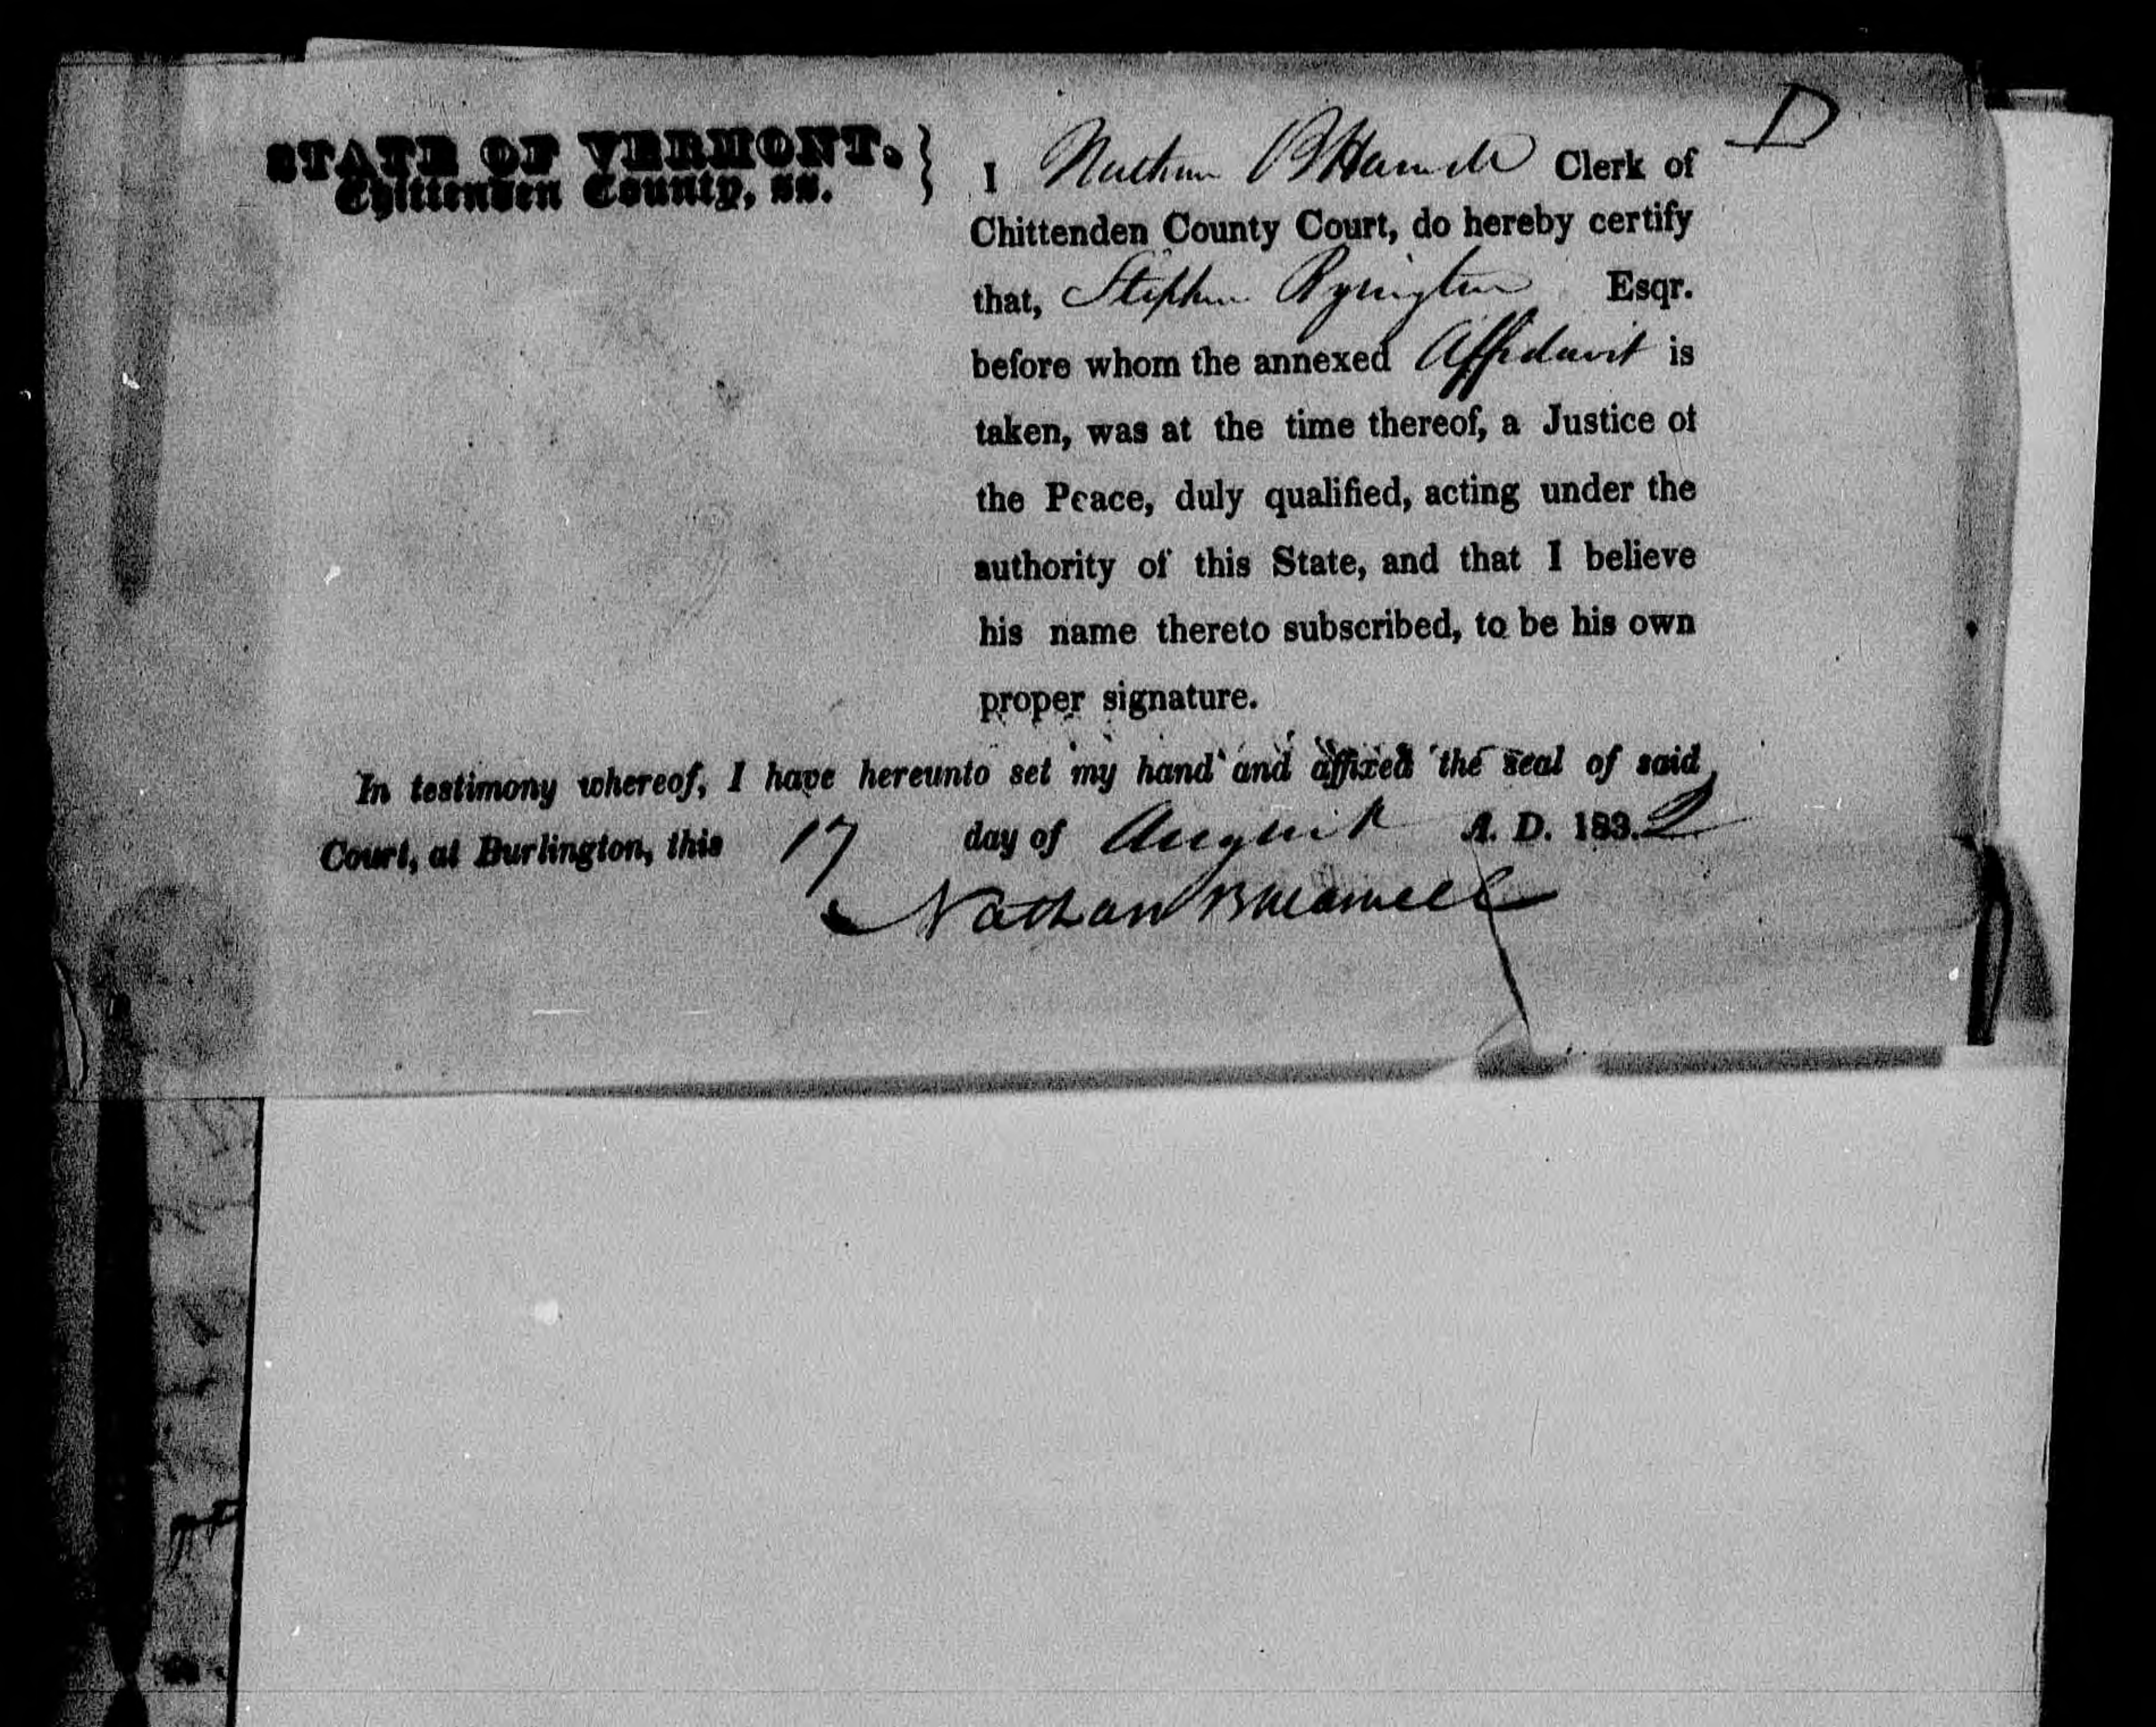STATE OF VERMONT}
Chittenden County, NH.}

I Nathan B Maswell Clerk of Chittenden Count Court, do hereby certify that, Stephen Byington, Esqr. before whom the annexed Affidavit is taken, was at the time thereof, a Justice of the Peace, duly qualified, acting under the authority of this State, and that I believe his name thereto subscribed, to be his own proper signature.

In testimony whereof, I have hereunto set my hand and affixed the seal of said Court, at Burlington, this 17 day of August A. D. 1892.
Nathan B Maswell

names: Stephen Byington, Nathan B Maswell, Nathan B Haswell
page: 57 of 79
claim: widow's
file: W. 23754, Justus Byington, Conn.